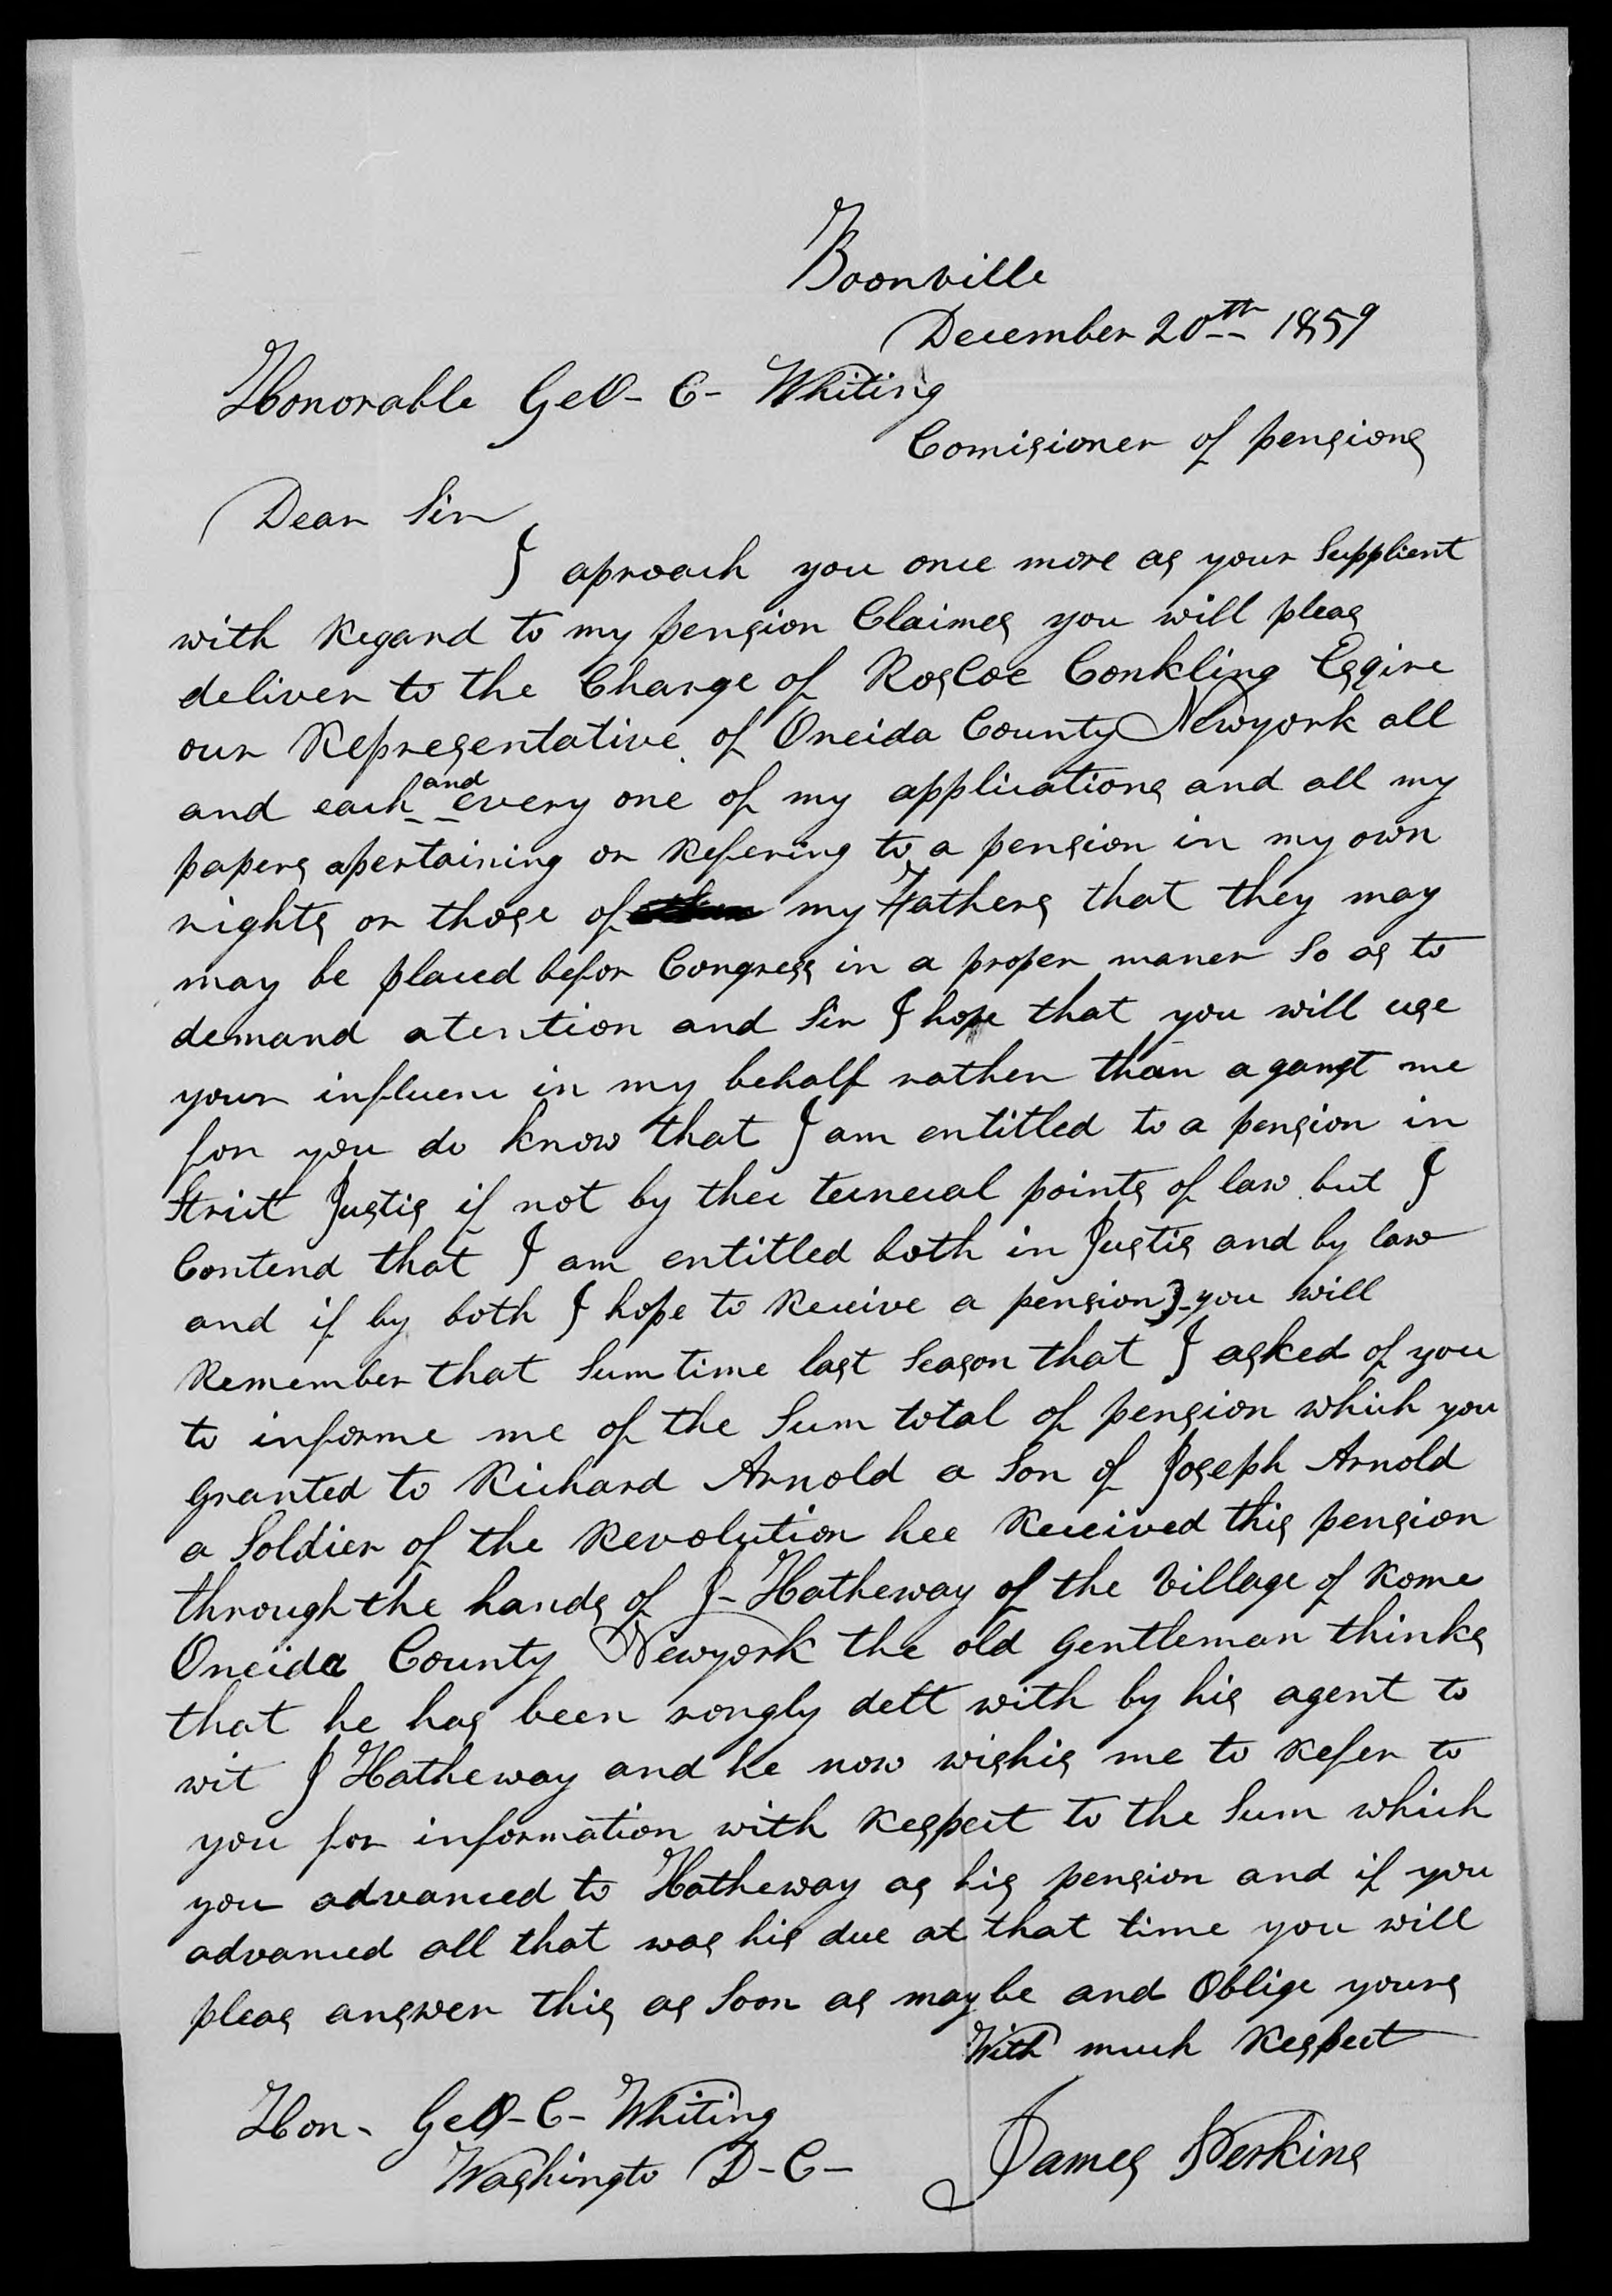Boonville 
December 20th 1859 
Honorable Geo. C. Whiting 
Comisioner of Pensions 
Dear Sir 
I aproach you once more as your supplient with regard to my pension Claimes you will pleas deliver to the Charge of Roscoe Conkling Esqire our Representative of Oneida County Newyork all and each and every one of my applications and all my papers apertaining or refering to a pension in my own rights or those of my Fathers that they may may be placed befor Congress in a proper maner so as to demand atention and Sir I hope that you will use your influence in my behalf rather than aganst me for you to know that I am entitled to a pension in Strict Justis if not by thee tuneral points of law but I Contend that I am entitled both in Justis and by law and if by both I hope to receive a pension you will Remember that sum time last season that I asked of you to informe me of the Sum total of pension which you granted to Richard Arnold a Son of Joseph Arnold a soldier of the Revolution hee received this pension through the hands of J. Hatheway of the Village of Rome Oneida County Newyork the old Gentleman thinks that he has been rongly delt with by his agent to wit I Hatheway and he now wishes me to refer to you for information with respect to the Sum which you advanced to Hatheway as his pension and if you advanced all that was his due at that time you will pleas answer this as soon as may be and oblige yours 
With much respect 
[signed] James Perkins

Hon. Geo. C. Whiting 
Washington D C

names: J Hatheway; James Perkins; Roscoe Conkling; Richard Arnold; Geo C Whiting; Joseph Arnold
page: 35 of 44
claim: rejected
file: R. 17,033, for Joseph Perkins, New York